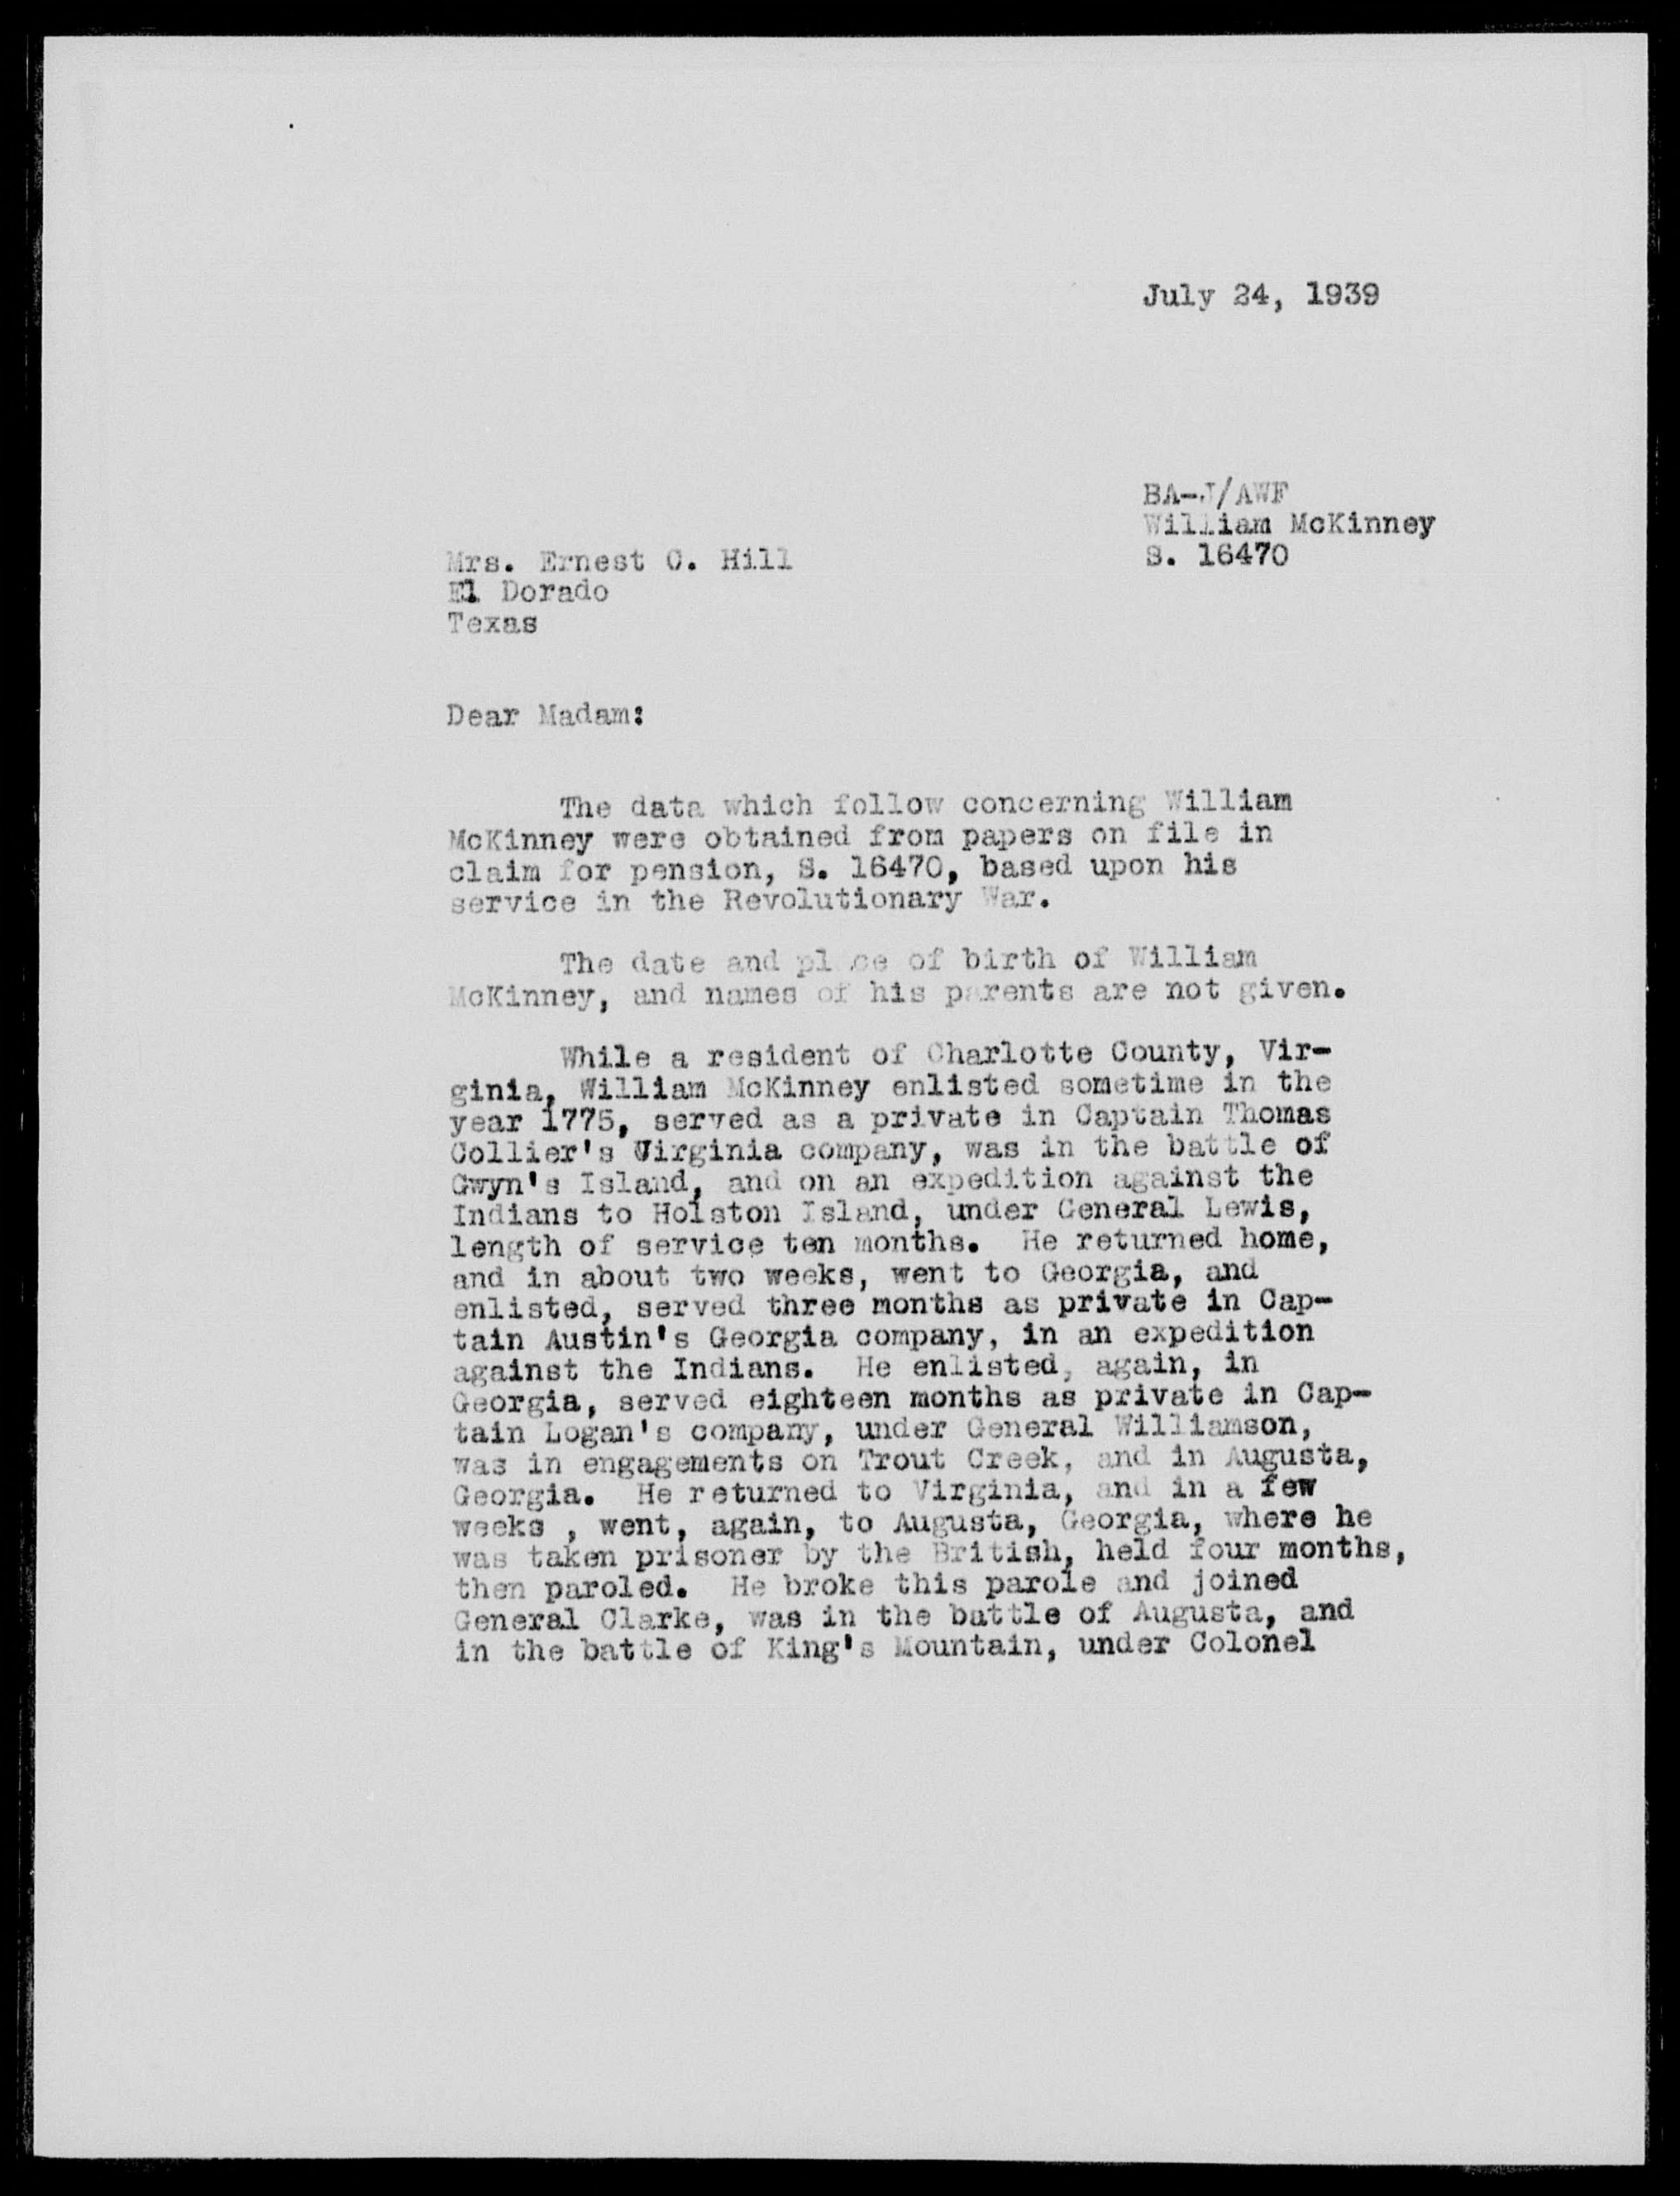July 24, 1939
BA-J/AWF
William McKinney
s. 16470
Mrs. Ernest G. Hill
El Dorado
Texas 

Dear Madam:
The data which follow concerning William McKinney were obtained from papers on file in claim for pension, S. 16470, based upon his service in the Revolutionary War.
The date and place of birth of William McKinney, and names of his parents are not given.
While a resident of Charlotte County, Virginia, William McKinney enlisted sometime in the year 1775, served as a private in Captain Thomes Collier's Virginia company, was in the battle of Gwyn's Island, and on an expedition against the Indians to Holston Island, under General Lewis, length of service ten months. He returned home, and in two weeks, went to Georgia, and enlisted, served three months as private in Captain Austin's Georgia company, in an expedition against the Indians. He enlisted, again, in Georgia, served eighteen months as private in Captain Logan's company, under General Williamson, was in engagements on Trout Creek, and in Augusta, Georgia. He returned to Virginia, and in a few weeks, went, again, to Augusta, Georgia, where he was taken prisoner by the British, held four months, then paroled. He broke this parole and joined General Clarke, was in the battle of Augusta, and in the battle of King's Mountain, under Colonel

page: 27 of 28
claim: survivor's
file: S. 16,470, for William Mc Kinney, Georgia